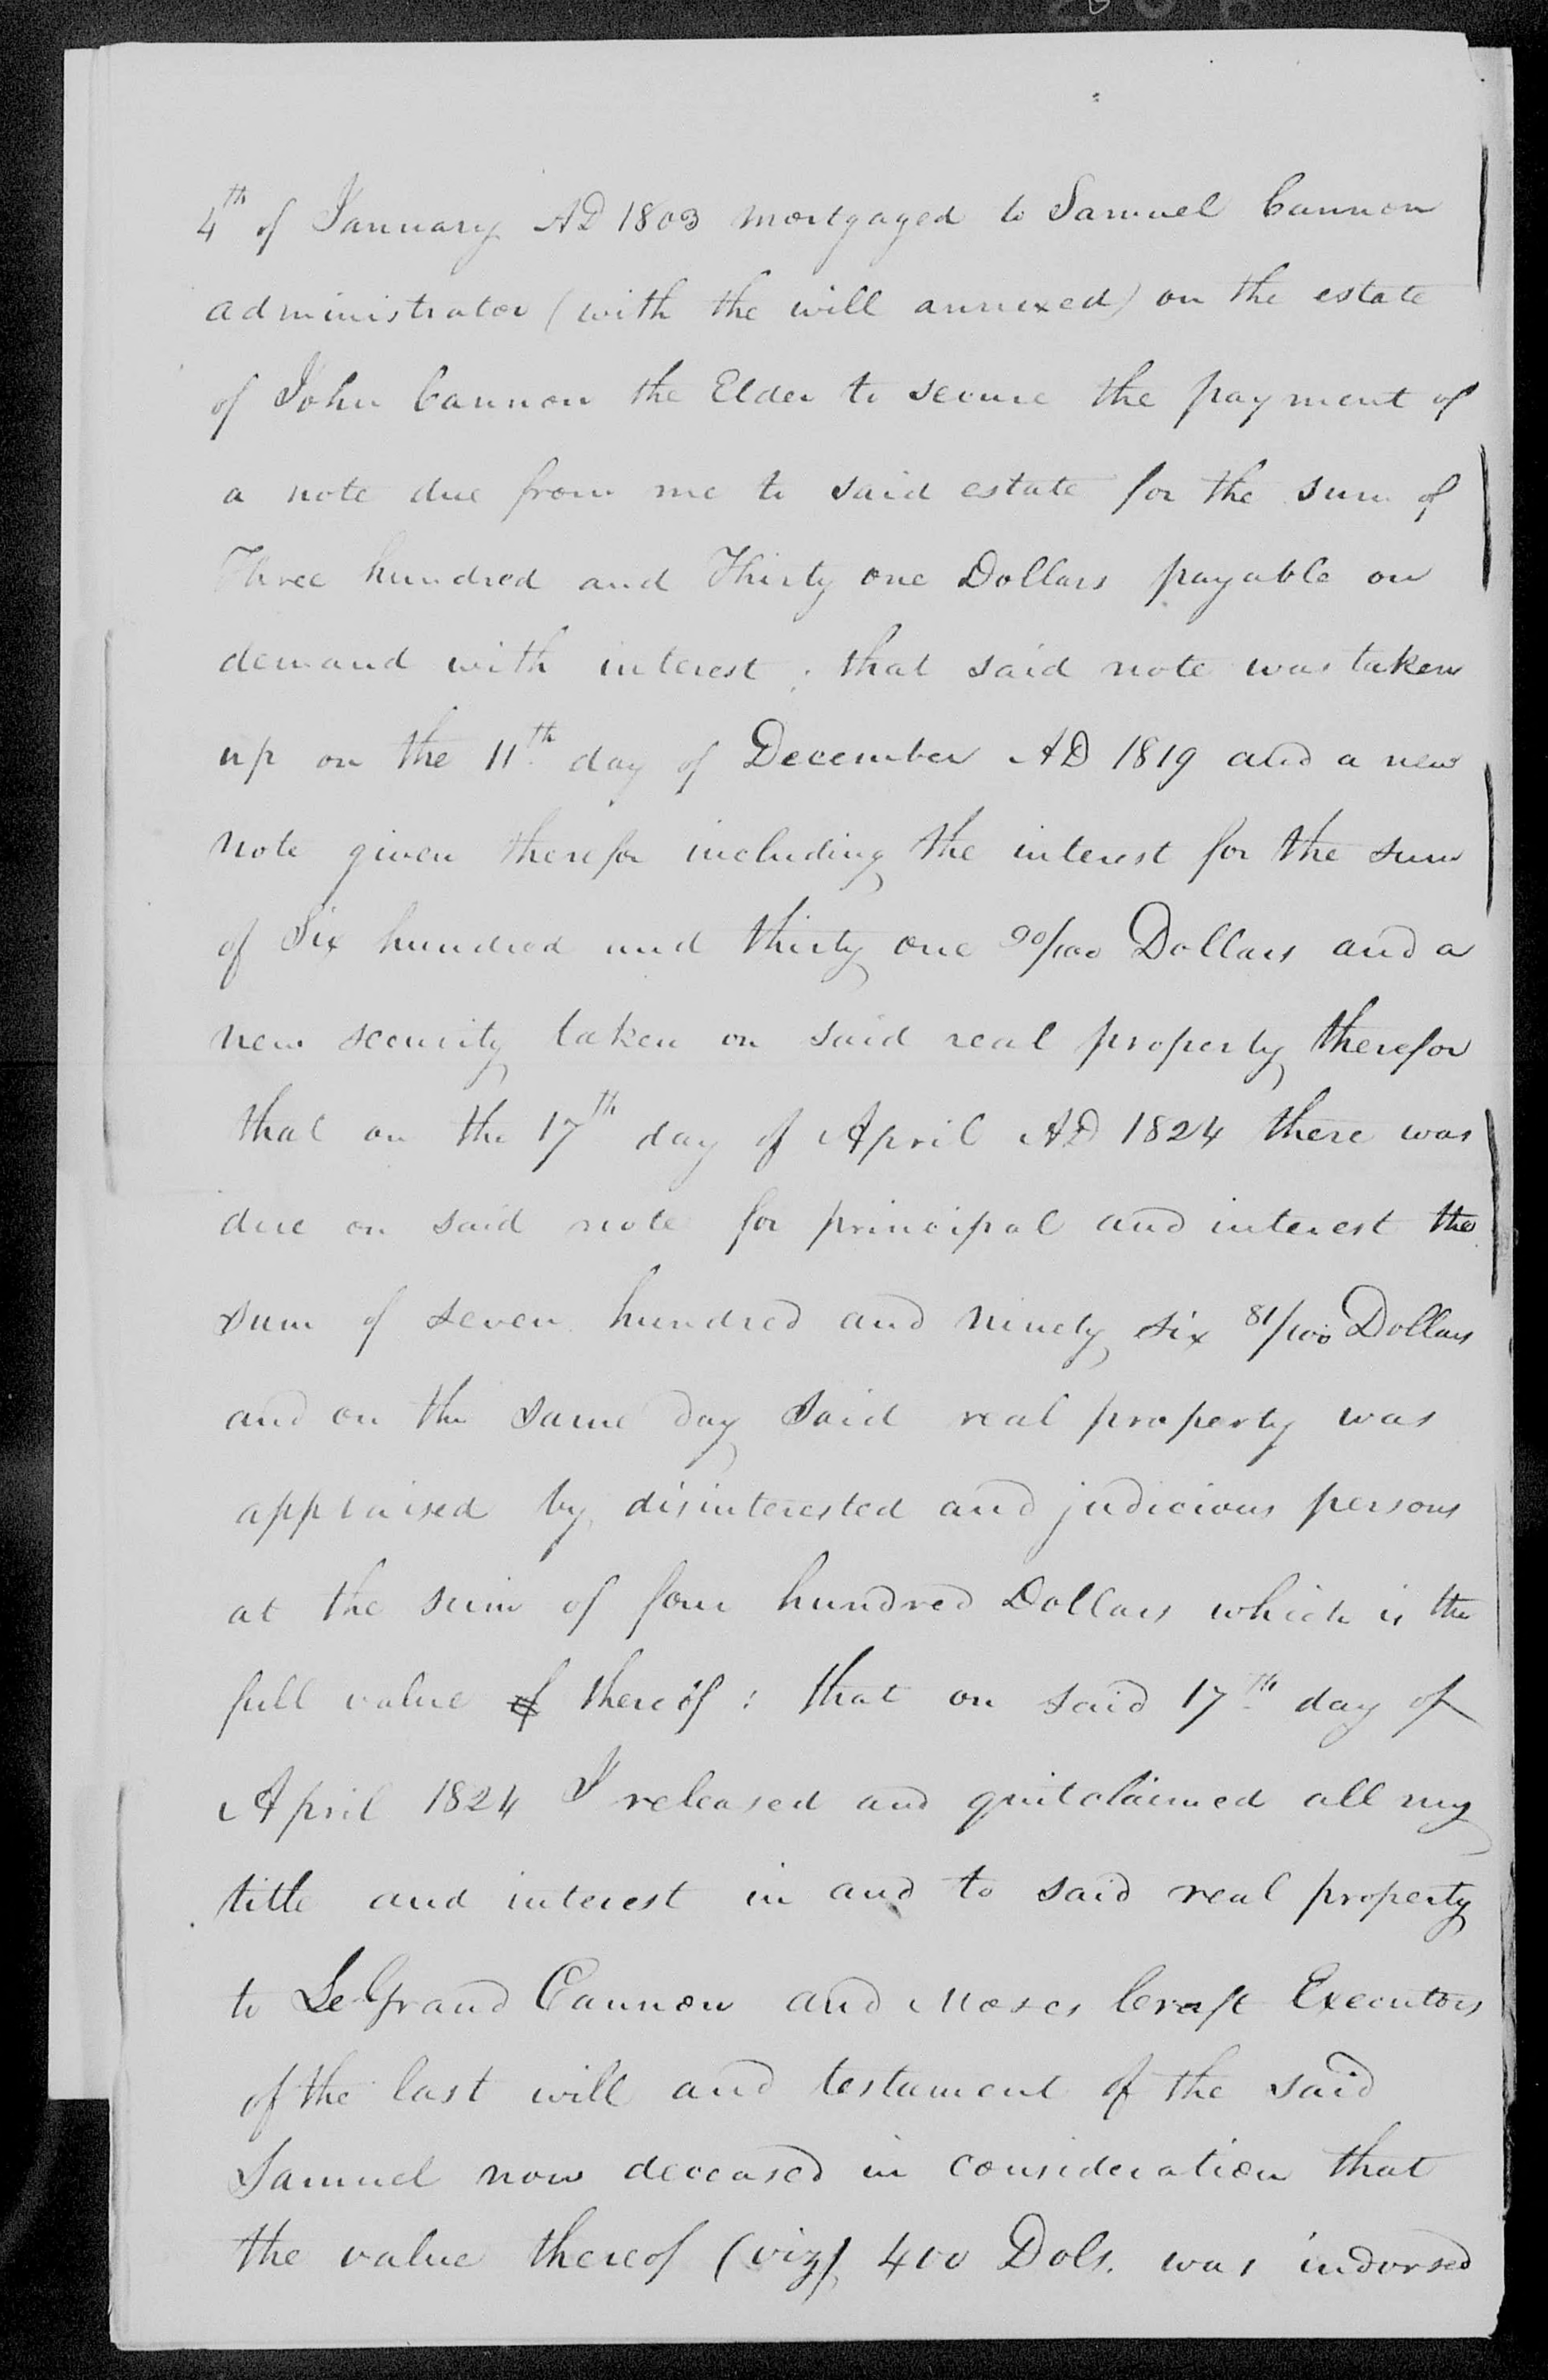4th of January AD 1803 mortgaged to Samuel Cannon administrator (with the will annexed) o the estate of John Cannon the Elder to secure the payment of a note due from me to said estate for the sum of three hundred and thirty one dollars, payable on demand with interest; that said note was taken up on the 11th day of December AD 1819 and a new note given therefor including the interest for the sum of six hundred and thirty one 90/100 Dollars and a new security, taken on said real property, therefor that on the 17th day of April AD 1824 there was due on said note for principal and interest the sim of seven hundred and ninety six 81/100 Dollars and on the same day said real property was appraised by disinterested and judicious persons at the sim of four hundred dollars which is the full value thereof; that on said 17th day of April 1824 I released and quit claimed all my title and interest in and to said real property to Le Grand Cannon and Moses Craft Executors of the last will and testament of the said Samuel now deceased in consideration that the value thereof (viz) 400 Dols. was indorsed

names: John Cannon, Samuel, Moses Craft, Samuel Cannon, Le Grand Cannon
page: 54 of 61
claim: widow's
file: W. 29,929, Hezekiah Betts, Conn.